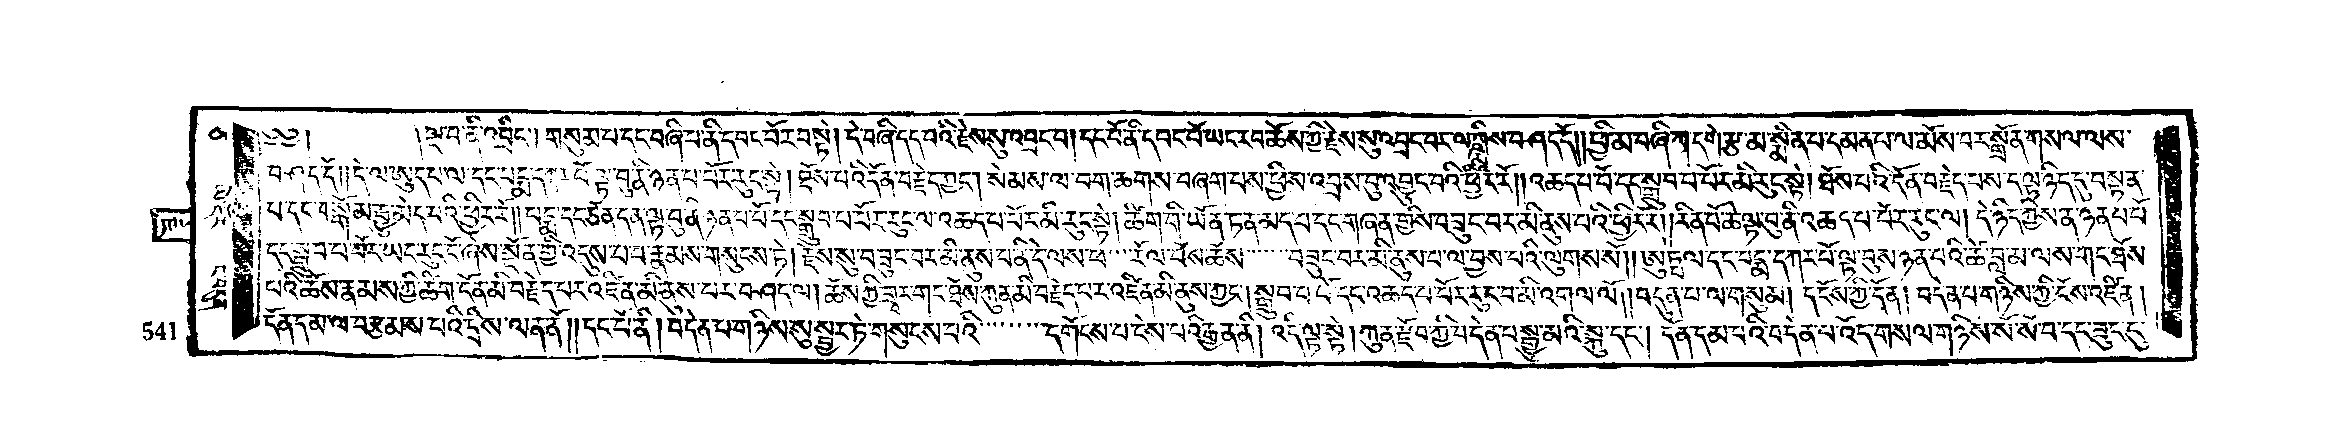༄༅། །ལྔ་པ་ནི་འབྲིང་། གསུམ་པ་དང་བཞི་པ་ནི་དབང་པོ་རབ་སྟེ། དེ་བཞི་དད་པའི་རྗེས་སུ་འབྲང་བ། དང་པོ་ནི་དབང་པོ་ཡང་རབ་ཆོས་ཀྱི་རྗེས་སུ་འབྲང་བར་ལ་ཀྵྨཱིས་བཤད་དོ། །ཕྱི་མ་བཞི་ཀ་དགེ་རྩ་མ་སྨིན་པ་དམན་པ་ལ་མོས་པར་སྒྲོན་གསལ་ལས་
བཤད་དོ། །དེ་ལ་ཨུད་པ་ལ་དང་པདམ་དཀར་པོ་ལྟ་བུ་ནི་ཉན་པ་པོར་རུང་སྟེ། ཐོས་པའི་དོན་བརྗེད་ཀྱང་། སེམས་ལ་བག་ཆགས་བཞག་པས་ཕྱིས་འབྲས་བུ་འབྱུང་བའི་ཕྱིར་རོ། །འཆད་པ་པོ་དང་སྒྲུབ་པ་པོར་མི་རུང་སྟེ། ཐོས་པའི་དོན་བརྗེད་པས་ད་ལྟ་ཉིད་དུ་བསྟན་
པ་དང་བསྒོམ་རྒྱུ་མེད་པའི་ཕྱིར་རོ། །པདམ་དང་ཙན་དན་ལྟ་བུ་ནི་ཉན་པ་པོ་དང་སྒྲུབ་པ་པོར་རུང་ལ་འཆད་པ་པོར་མི་རུང་སྟེ། ཚིག་གི་ཡོན་ཏན་མེད་པ་དང་གཞན་གྱིས་བཟུང་བར་མི་ནུས་པའི་ཕྱིར་རོ། །རིན་པོ་ཆེ་ལྟ་བུ་ནི་འཆད་པ་པོར་རུང་ལ། དེ་ཉིད་ཀྱིས་ན་ཉན་པ་པོ་
དང་སྒྲུབ་པ་པོར་ཡང་རུང་ངོ་ཞེས་སྔོན་གྱི་འདུས་པ་པ?་རྣམས་གསུངས་ཏེ། རྗེས་སུ་བཟུང་བར་མི་ནུས་པ་ནི་དེ་ལས་ཕ་རོལ་པོས་ཆོས་བཟུང་བར་མི་ནུས་པ་ལ་བྱས་པའི་ལུགས་སོ། །ཨུཏྤལ་དང་པདམ་དཀར་པོ་ལྟ་བུས་ཉན་པའི་ཚེ་བླ་མ་ལས་གང་ཐོས་
པའི་ཆོས་རྣམས་ཀྱི་ཚིག་དོན་མི་བརྗེད་པར་འཛིན་མི་ནུས་པར་བཤད་ལ། ཆོས་ཀྱི་གྲྭར་གང་ཐོས་ཀུན་མི་བརྗེད་པར་འཛིན་མི་ནུས་ཀྱང་། སྒྲུབ་པ་པོ་དང་འཆད་པ་པོར་རུང་བ་མི་འགལ་ལོ། །བདུན་པ་ལ་གསུམ། དངོས་ཀྱི་དོན། བདེན་པ་གཉིས་ཀྱི་ངོས་འཛིན།
དོན་དམ་ལ་བརྩམས་པའི་དྲིས་ལན་ནོ། །དང་པོ་ནི། བདེན་པ་གཉིས་སུ་སྦྱར་ཏེ་གསུངས་པའི་དགོངས་པ་ངེས་པའི་རྒྱན་ནི། འདི་ལྟ་སྟེ། ཀུན་རྫོབ་ཀྱི་བདེན་པ་སྒྱུ་མའི་སྐུ་དང་། དོན་དམ་པའི་བདེན་པ་འོད་གསལ་གཉིས་སོ་སོ་བ་དང་ཟུང་དུ་